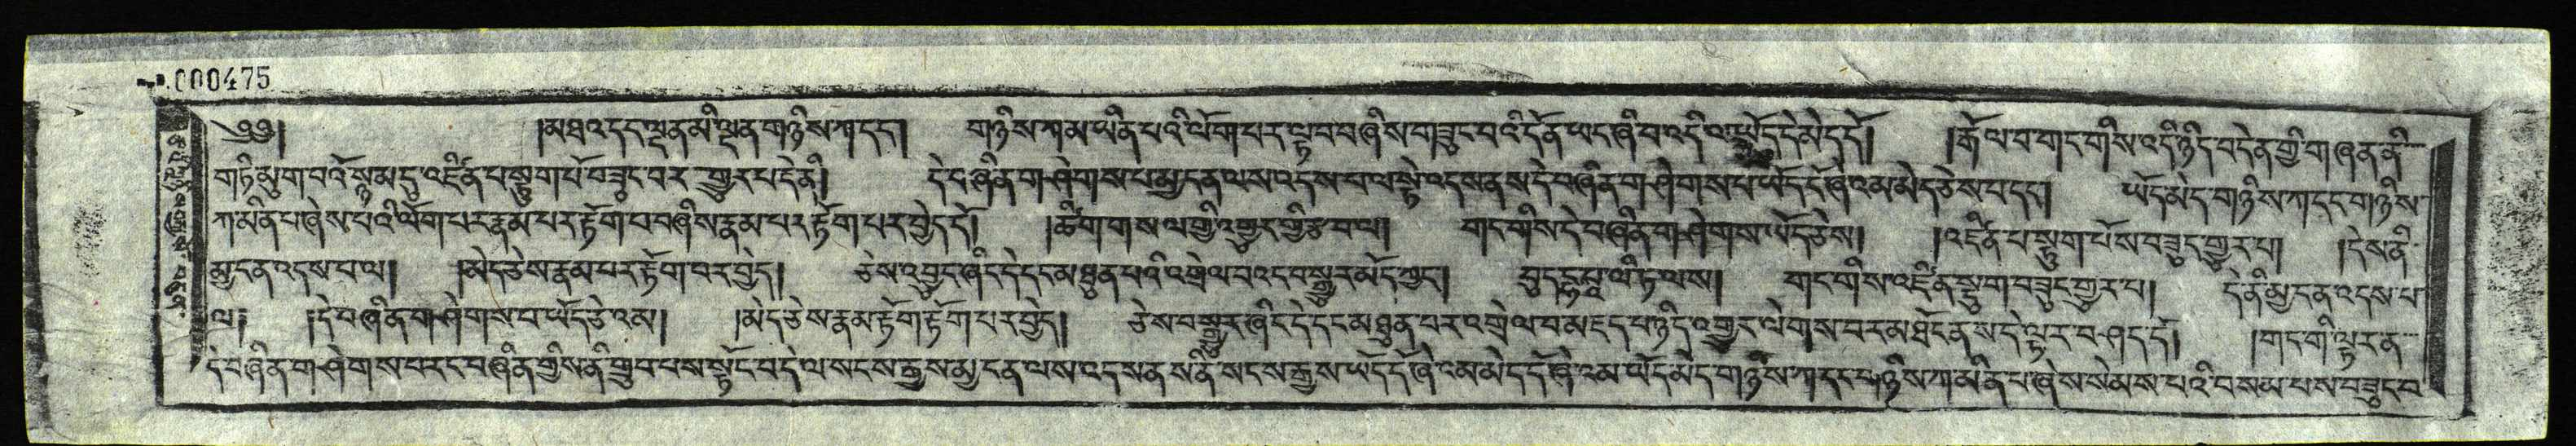༄༅། །མཐའ་དང་ལྡན་མི་ལྡན་གཉིས་ཀ་དང་། གཉིས་ཀ་མ་ཡིན་པའི་ལོག་པར་ལྟ་བ་བཞིས་གཟུང་བའི་དོན་ཡང་ཞི་བ་འདི་ལ་ཡོད་དེ་མེད་དོ། །རྒོལ་བ་གང་གིས་འདི་ཉིད་བདེན་གྱི་གཞན་ནི་
གཏི་མུག་པའོ་སྙམ་དུ་འཛིན་པ་སྟུག་པོ་བཟུང་བར་གྱུར་པ་དེ་ནི། དེ་བཞིན་གཤེགས་པ་མྱ་ངན་ལས་འདས་པ་ལ་སྟེ་འདས་ནས་དེ་བཞིན་གཤེགས་པ་ཡོད་དོ་ཞེའམ་མེད་ཅེས་པ་དང་། ཡོད་མེད་གཉིས་ཀ་དང་གཉིས་
ཀ་མིན་པ་ཞེས་པའི་ལོག་པར་རྣམ་པར་རྟོག་པ་བཞིས་རྣམ་པར་རྟོག་པར་བྱེད་དོ། །ཚིག་གསལ་གྱི་འགྱུར་གྱི་རྩ་བ་ལ། གང་གིས་དེ་བཞིན་གཤེགས་ཡོད་ཅེས། །འཛིན་པ་སྟུག་པོས་བཟུང་གྱུར་པ། །དེས་ནི་
མྱ་ངན་འདས་པ་ལ། །མེད་ཅེས་རྣམ་པར་རྟོག་བར་བྱེད། ཅེས་འབྱུང་ཞིང་དེ་དང་མཐུན་པའི་འགྲེལ་བའང་བསྒྱུར་མོད་ཀྱང་། བུད་དྷ་པཱ་ལི་ཏ་ལས། གང་གིས་འཛིན་སྡུག་བཟུང་གྱུར་པ། དེ་ནི་མྱ་ངན་འདས་པ་
ལ༑ ༑དེ་བཞིན་གཤེགས་པ་ཡོད་ཅེ་འམ། །མེད་ཅེས་རྣམ་རྟོག་རྟོག་པར་བྱེད། ཅེས་བསྒྱུར་ཞིང་དེ་དང་མཐུན་པར་འགྲེལ་པ་མཛད་པ་ཉིད་འགྱུར་ལེགས་པར་མཐོང་ནས་དེ་ལྟར་བཤད་དོ། །གང་གི་ལྟར་ན་
དེ་བཞིན་གཤེགས་པ་རང་བཞིན་གྱིས་ནི་གྲུབ་པས་སྟོང་པ་དེ་ལ་སངས་རྒྱས་མྱ་ངན་ལས་འདས་ནས་ནི་སངས་རྒྱས་ཡོད་དོ་ཞེ་འམ་མེད་དོ་ཞེ་འམ་ཡོད་མེད་གཉིས་ཀ་དང་གཉིས་ཀ་མིན་པ་ཞེས་སེམས་པའི་བསམ་པས་བཟུང་བ་